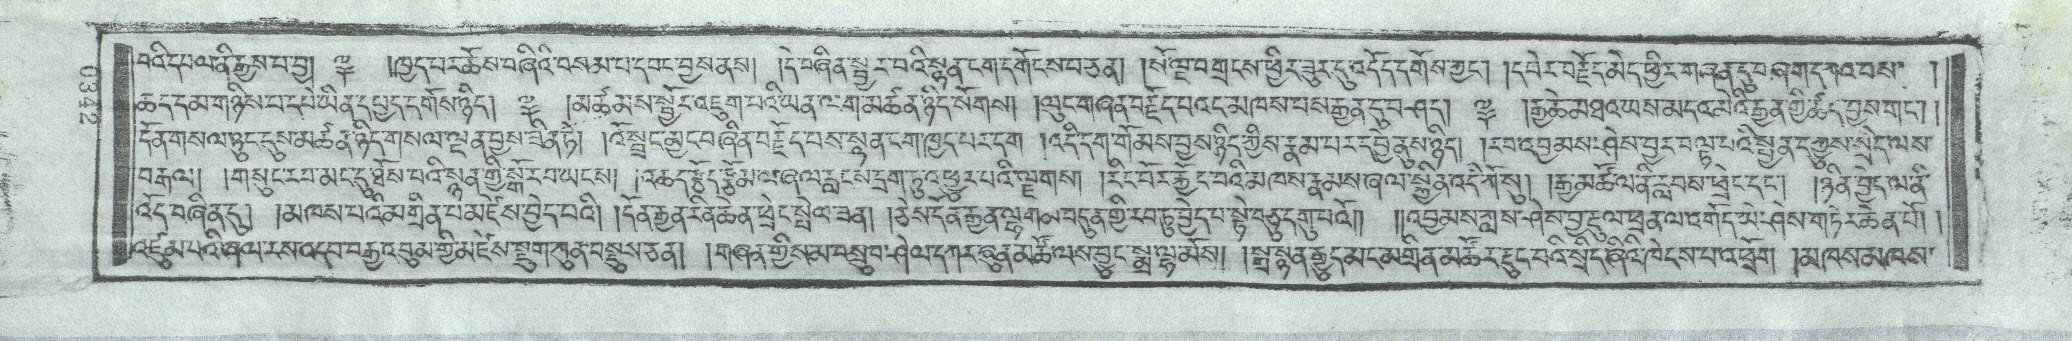པའི་དཔལ་ནི་རྒྱས་པ་བྱ། ༈ །ཁྱད་པར་ཆོས་བཞིན་བསམ་པ་དབང་བྱས་ནས། །དེ་བཞིན་སྦྱར་བའི་སྙན་ངག་དགོངས་པ་ཅན། །སོ་ལྔ་བགྲངས་ཕྱིར་ཟུར་དུ་འདོད་དགོས་ཀྱང་། དབེར་བརྗོད་མེད་ཕྱིར་གཞན་དུ་བཞག་བཀའ་བས།
ཆད་དམ་གཉིས་པ་དཔེ་ཡིན་དཔྱད་དགོས་ཉིད། ༈ །མཚམས་སྦྱོར་འཇུག་པའི་ཡན་ལག་མཚན་ཉིད་སོགས། །ལུང་གཞན་བརྗོད་པའང་མཁས་པས་རྒྱན་དུ་བཤད། ༈ །རྒྱ་ཆེ་མཐའ་ཡས་འདའ་མེའི་རྒྱན་གྱི་ཚད་བྱས་གང་། །
དོན་གསལ་ཉུང་དུས་མཚན་ཉིད་གསལ་ལྡན་བྱས་ཟིན་ཏེ། །འོ་སྦྲང་མྱང་བཞིན་བརྗོད་པས་སྙན་ངག་ཁྱད་པར་དག། །འདི་དག་གོམས་བྱས་ཉིད་ཀྱིས་རྣམ་པར་དབྱེ་ནུས་ཉིད། །རབ་འབྱམས་ཤེས་བྱར་བལྟ་བའི་སྤྱན་དཀྱུས་སྲིང་ལས་
བརྒལ། །གསུང་རབ་མང་དུ་ཐོས་པའི་སྙན་གྱི་སྒོར་བ་ཡངས། །འཆད་རྩོད་རྩོམ་ལ་ཞལ་རླངས་དྲག་ཏུ་འཕྱུར་པའི་ལྗགས། །རིང་བོར་རྐྱོང་བའི་མཁས་རྣམས་ཞལ་སྐྱིན་འདི་ཀོ་སུ། །རྒྱ་མཚོ་ལ་ནི་རླབས་ཕྲེང་དང་། །ཉིན་བྱེད་ལ་ནི་
འོད་བཞིན་དུ། །མཁས་པའི་མགྲིན་པ་མཛེས་བྱེད་པའི། །དོན་རྒྱན་རིན་ཆེན་ཕྲེང་སྤེལ་ཟན། །ཅེས་དོན་རྒྱན་ལྷག་མ་བདུན་གྱི་རབ་ཏུ་བྱེད་པ་སྟེ་བཅུ་དགུ་པའོ།། །།འབྱམས་ཀླས་ཤེས་བྱ་རྡུལ་ཕྲན་ལ་འགོད་ཡེ་ཤེས་གཏེར་ཆེན་པོ། །
འཛུམ་པའི་ཞལ་རས་འདབ་བརྒྱ་འབུམ་གྱི་མཛེས་སྡུག་ཀུན་བསྡུས་ཅན། །གཞན་གྱིས་སམ་བསྲུབ་ཤེལ་དཀར་ཞུན་མཚོ་ལས་བྱུང་སྨྲ་ལྷ་མོས། །སྒྲ་སྙན་རྒྱུད་མང་མགྲིན་མཚོར་རྡུང་བའི་སྲིད་ཞིའི་ཁེངས་པ་འཕྲོག །མཁས་མཁས་